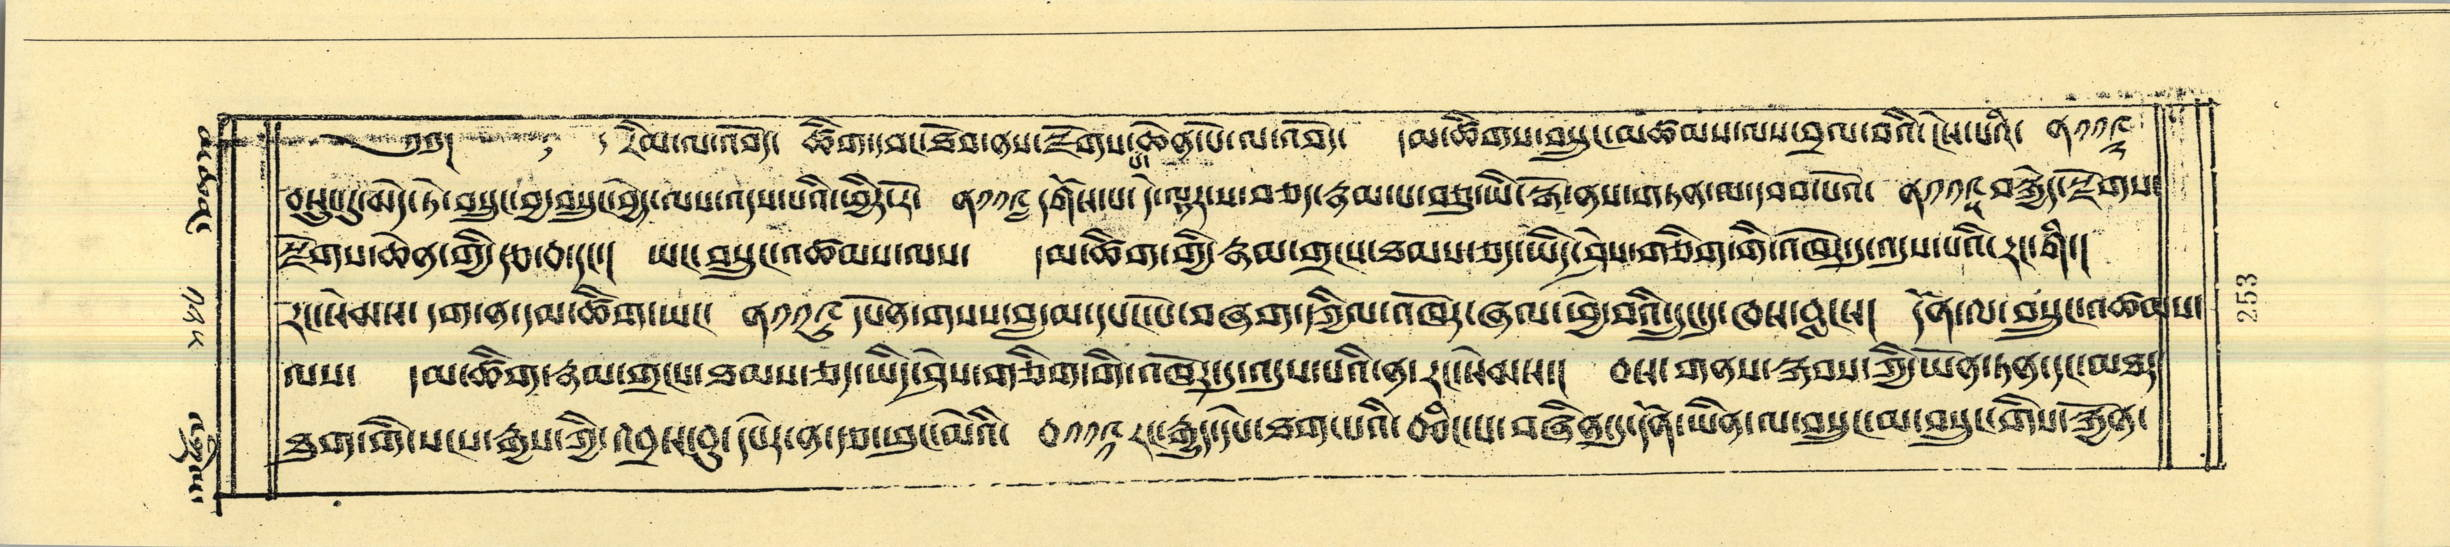རིམ་ལ་འབོད། ཚིག་དབང་ཐོབ་ནས་སྫོགས་པ་ཆེན་པོ་ལ་འབོད། དམ་ཚིགས་བསྲུང་མཚམས་ལས་བྲལ་བའི་ངེས་པའི་ ན༡༡༩།༢ 
བསྲུང་དུ་མེད་ཏེ་བསྲུང་བྱ་བསྲུང་བྱེད་ལས་འདས་པའི་ཕྱིར་རོ། ན༡༡༩།༤ དགོས་པ་དེ་ལྟར་ས་བཅད་རྣམ་པ་བཅུ་ཡི་སྒོ་ནས་གཏན་ལ་དབབ་པའོ། ན༡༡༩།༥ བསྐྱེད་སྫོགས་
སྫོགས་ཆེན་གྱི་རྩ་བ་དང། ཡང་བསྲུང་འཚམས་ལས། དམ་ཚིག་གྱི་རྣམ་གྲངས་ཐམས་ཅད་ཡིད་ཤེས་གཅིག་གི་འཁོར་དུ་འདུས་པའི་རང་གི།
རང་སེམས་དག་ན་དམ་ཚིག་ཡང། ན༡༡༩།༦ དཔོན་གསས་བླ་མ་དཔང་པོ་བཞག་དཀྱིལ་འཁོར་ཞལ་ཕྱེ་བའི་དྲུང་དུ་ཁས་བླངས་དོན་ལ་བསྲུང་འཚམས་
ལས། དམ་ཚིག་རྣམ་གྲངས་ཐམས་ཅད་ཡིད་ཤེས་གཅིག་གི་འཁོར་དུ་འདུས་པའི་ན་རང་སེམས་ བས་གནས་སྐབས་ཀྱི་ཡོན་ཏན་དང་མཐར་
ཐུག་གི་སངས་རྒྱས་ཀྱི་འབྲས་བུ་དཔེར་ན་རྩ་ཕུང་མེའི་ བ༡༡༩།༡ རང་རྒྱུད་དཔེ་ཐག་པའི་བཅིང་པ་བཞིན་དུ་དོན་ཡིན་ལ་བསྲུང་མ་བསྲུང་གིས་སྐྱོན་